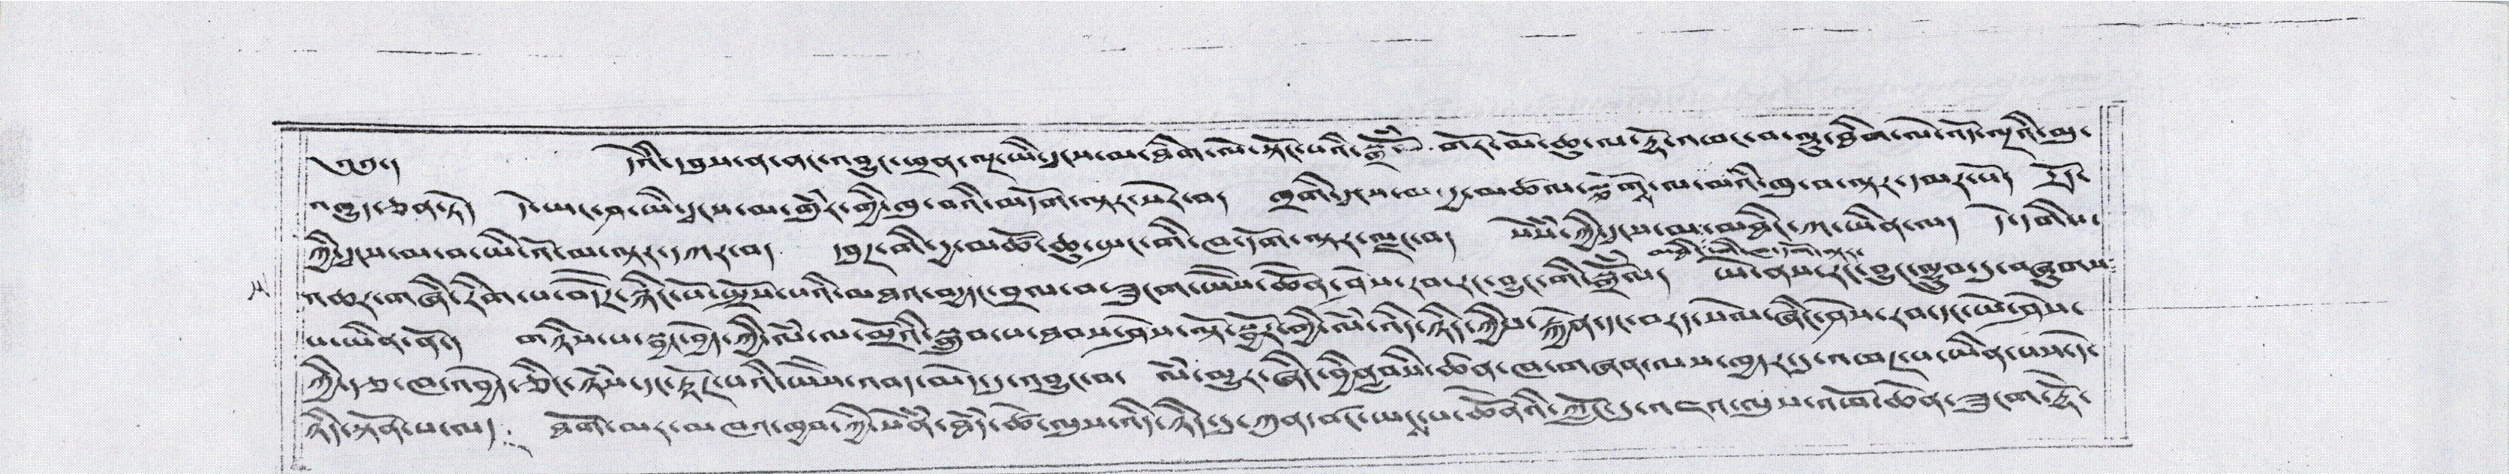དེའི་དབུས་ན་ནང་འབྱུང་ཕྲན་ལྔའི་དྭངས་མ་ཐིག་ལེ་སྟོང་པའི་སྒྲོན་མ་གོ་མོའི་ཆུ་ལ་རྡོ་འཕངས་པ་ལྟ་བུ། ཐིག་ལེ་འོད་ལྔའི་མུ་
ཁྱུད་ཅན་ཏེ། དེ་ཡང་ཤ་ཡི་དྭངས་མ་གུར་གུམ་གྱི་ཁུ་བའི་མདོག་ལྟར་སེར་པོ། ཁྲག་གི་དྭངས་མ་རྒྱ་མཚལ་ཅོག་ལ་མའི་ཁུ་བ་ལྟར་དམར་པོ། དྲོད་
ཀྱི་དྭངས་མ་བ་ཡི་འོ་མ་ལྟར་དཀར་བ། དབུགས་ཀྱི་དྭངས་མ་རྒྱ་མཚོ་ཆུ་ཆུ་སྤང་གི་ཁུ་བ་ལྟར་ལྗང་བ། སེམས་ཀྱི་དྭངས་མ་མཐིང་གི་ཁ་དོག་ལྟར་མཐིང་ཀ་ཡིན་ལ། དེ་དག་གི་
འཆར་གཞི་རིག་པ་བདེར་གཤེགས་སྙིང་པོ་སྤྲོས་པའི་མཐའ་བརྒྱད་དང་བྲལ་བ་ཟུང་འཇུག་ཡེ་ཤེས་ཆེན་པོ་ཤེས་རབ་རང་བྱུང་གི་སྒྲོན་མ་ཡེ་ནས་རང་བྱུང་ལྷུན་གྲུབ་ཏུ་བཞུགས་
པ་ཡིན་ནོ། གཉིས་པ་སྦྱོང་བྱེད་ཀྱི་ལམ་ལ། མཁའ་འགྲོའི་སྒྲུབ་པ་ཐབས་ཤེས་ལྟོ་སྦྱོར་གྱི་ལམ་འདི་ཉིད་ཀྱིས་རྐྱེན་དང་བར་ཆོད་སེལ་ཞིང་། ཤེས་རབ་དང་ཡེ་ཤེས་
ཀྱི་རྩ་ཁ་འབྱེད་ཅིང་ཉམས་དང་རྟོགས་པའི་ཡེ་ཤེས་འབད་མེད་དུ་འབྱུང་བའི་ལམ་མྱུར་ཞིང་བྱིན་རླབས་ཀྱི་ཚན་ཁ་གཞན་ལས་ཁྱད་པར་འཕགས་པ་ཡིན་པས་དེ་
ཉིད་སྟོན་པ་ལ། ཐོག་མར་མཁའ་ཁྱབ་ཀྱི་སེམས་ཅན་ཐམས་ཅད་ཚེ་ལུས་འདི་ཉིད་དུ་ཀུན་བཟང་ཡངས་པ་ཆེན་པོའི་ཀློང་དུ་འཇའ་ལུས་འཕོ་ཆེན་ཟུང་འཇུག་རྡོ་རྗེ་